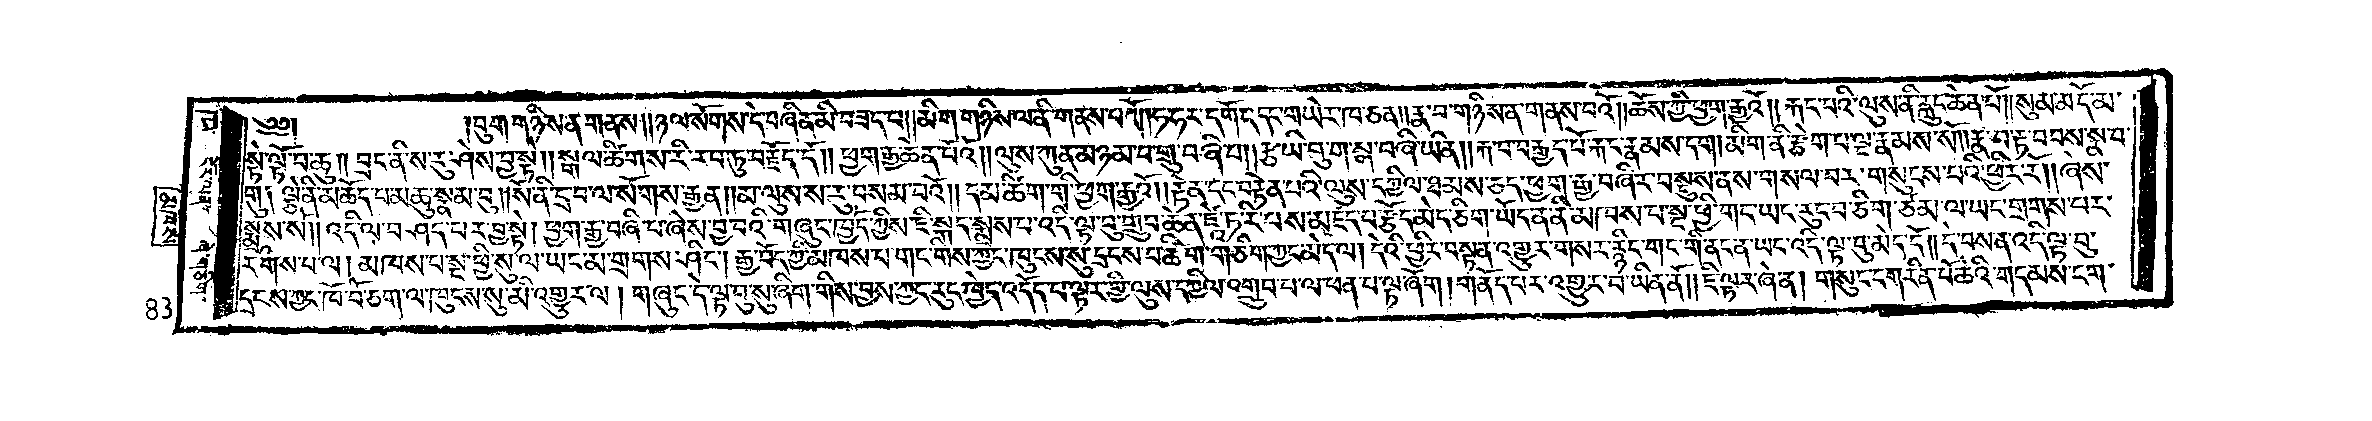ལན}་༄༅། །བུ་ག་གཉིས་ན་གནས། །ཉལ་སོགས་དེ་བཞིན་མི་བཟད་པ། །མིག་གཉིས་ལ་ནི་གནས་པའོ། །ཧ་ཧར་དགོད་དང་གཡེར་ཀ་ཅན། །རྣ་བ་གཉིས་ན་གནས་པའོ། །ཆོས་ཀྱི་ཕྱག་རྒྱའོ། །རྐང་པའི་ལུས་ནི་རླུང་ཆེན་པོ། །སུམ་མདོ་མ་
སྟེ་ལྟོ་བ་ཆུ། །བྲང་ནི་ས་རུ་ཤེས་བྱ་སྟེ། །སྒལ་ཚིགས་རི་རབ་ཏུ་བརྗོད་དོ། །ཕྱག་རྒྱ་ཆེན་པོའོ། །ལུས་ཀུན་མཉམ་པ་གྲུ་བཞི་པ། །རྩ་ཡི་བུ་ག་སྒ་བཞི་ཡིན། །རྐ་བ་བརྒྱད་པོ་རྐང་རྣམས་དག། མིག་ནི་རྩེག་པ་ལྔ་རྣམས་སོ། །རྣ་བ་རྟ་བབས་སྣ་བ་
གུ། ལྕེ་ནི་མཆོད་པ་མཆུ་སྣམ་བུ། །སོ་ནི་དྲ་བ་ལ་སོགས་རྒྱན། །མ་ལུས་ས་རུ་བསམ་པའོ། །དམ་ཚིག་གི་ཕྱག་རྒྱའོ། །རྟེན་དང་བརྟེན་པའི་ལུས་དཀྱིལ་ཐམས་ཅད་ཕྱག་རྒྱ་བཞིར་བསྡུས་ནས་གསལ་བར་གསུངས་པའི་ཕྱིར་རོ།།ཞེས་
སྨྲས་སོ། །འདི་ལ་བཤད་པར་བྱ་སྟེ། ཕྱག་རྒྱ་བཞི་པ་ཞེས་བྱ་བའི་གཞུང་ཁྱོད་ཀྱིས་ཇི་སྐད་སྨྲས་པ་འདི་ལྟ་བུ་ཆེན་ཛེའ་ཏ་རི་པས་མཛད་པ་རྩོད་མེད་ཅིག་ཡོད་ན་ནི་མཁས་པ་སྔ་ཕྱི་གང་ཡང་རུང་བ་ཅིག་ཙམ་ལ་ཡང་གྲགས་པར་
རིགས་པ་ལ། མཁས་པ་སྔ་ཕྱི་སུ་ལ་ཡང་མ་གྲགས་ཤིང་། རྒྱ་བོད་ཀྱི་མཁས་པ་གང་གིས་ཀྱང་ཁུང་སུ་དྲངས་པ་ཚིག་གཅིག་ཀྱང་མེད་ལ། དེའི་ཕྱིར་བསྟན་འགྱུར་གསར་རྙིང་གང་གི་ནང་ན་ཡང་འདི་ལྟ་བུ་མེད་དོ། །དེ་བས་ན་འདི་ལྟ་བུ་
དྲངས་ཀྱང་ཁོ་བོ་ཅག་ལ་ཁུངས་སུ་མི་འགྱུར་ལ། གཞུང་དེ་ལྟ་བུ་སུ་ཞིག་གིས་བྱས་ཀྱང་རུང་ཁྱེད་འདོད་པ་ལྟར་གྱི་ལུས་དཀྱིལ་འགྲུབ་པ་ལ་ཕན་པ་ལྟ་ཞོག། གནོད་པར་འགྱུར་བ་ཡིན་ནོ། །ཇི་ལྟར་ཞེ་ན། གསུང་ངག་རིང་པོ་ཆེའི་གདམས་ངག་